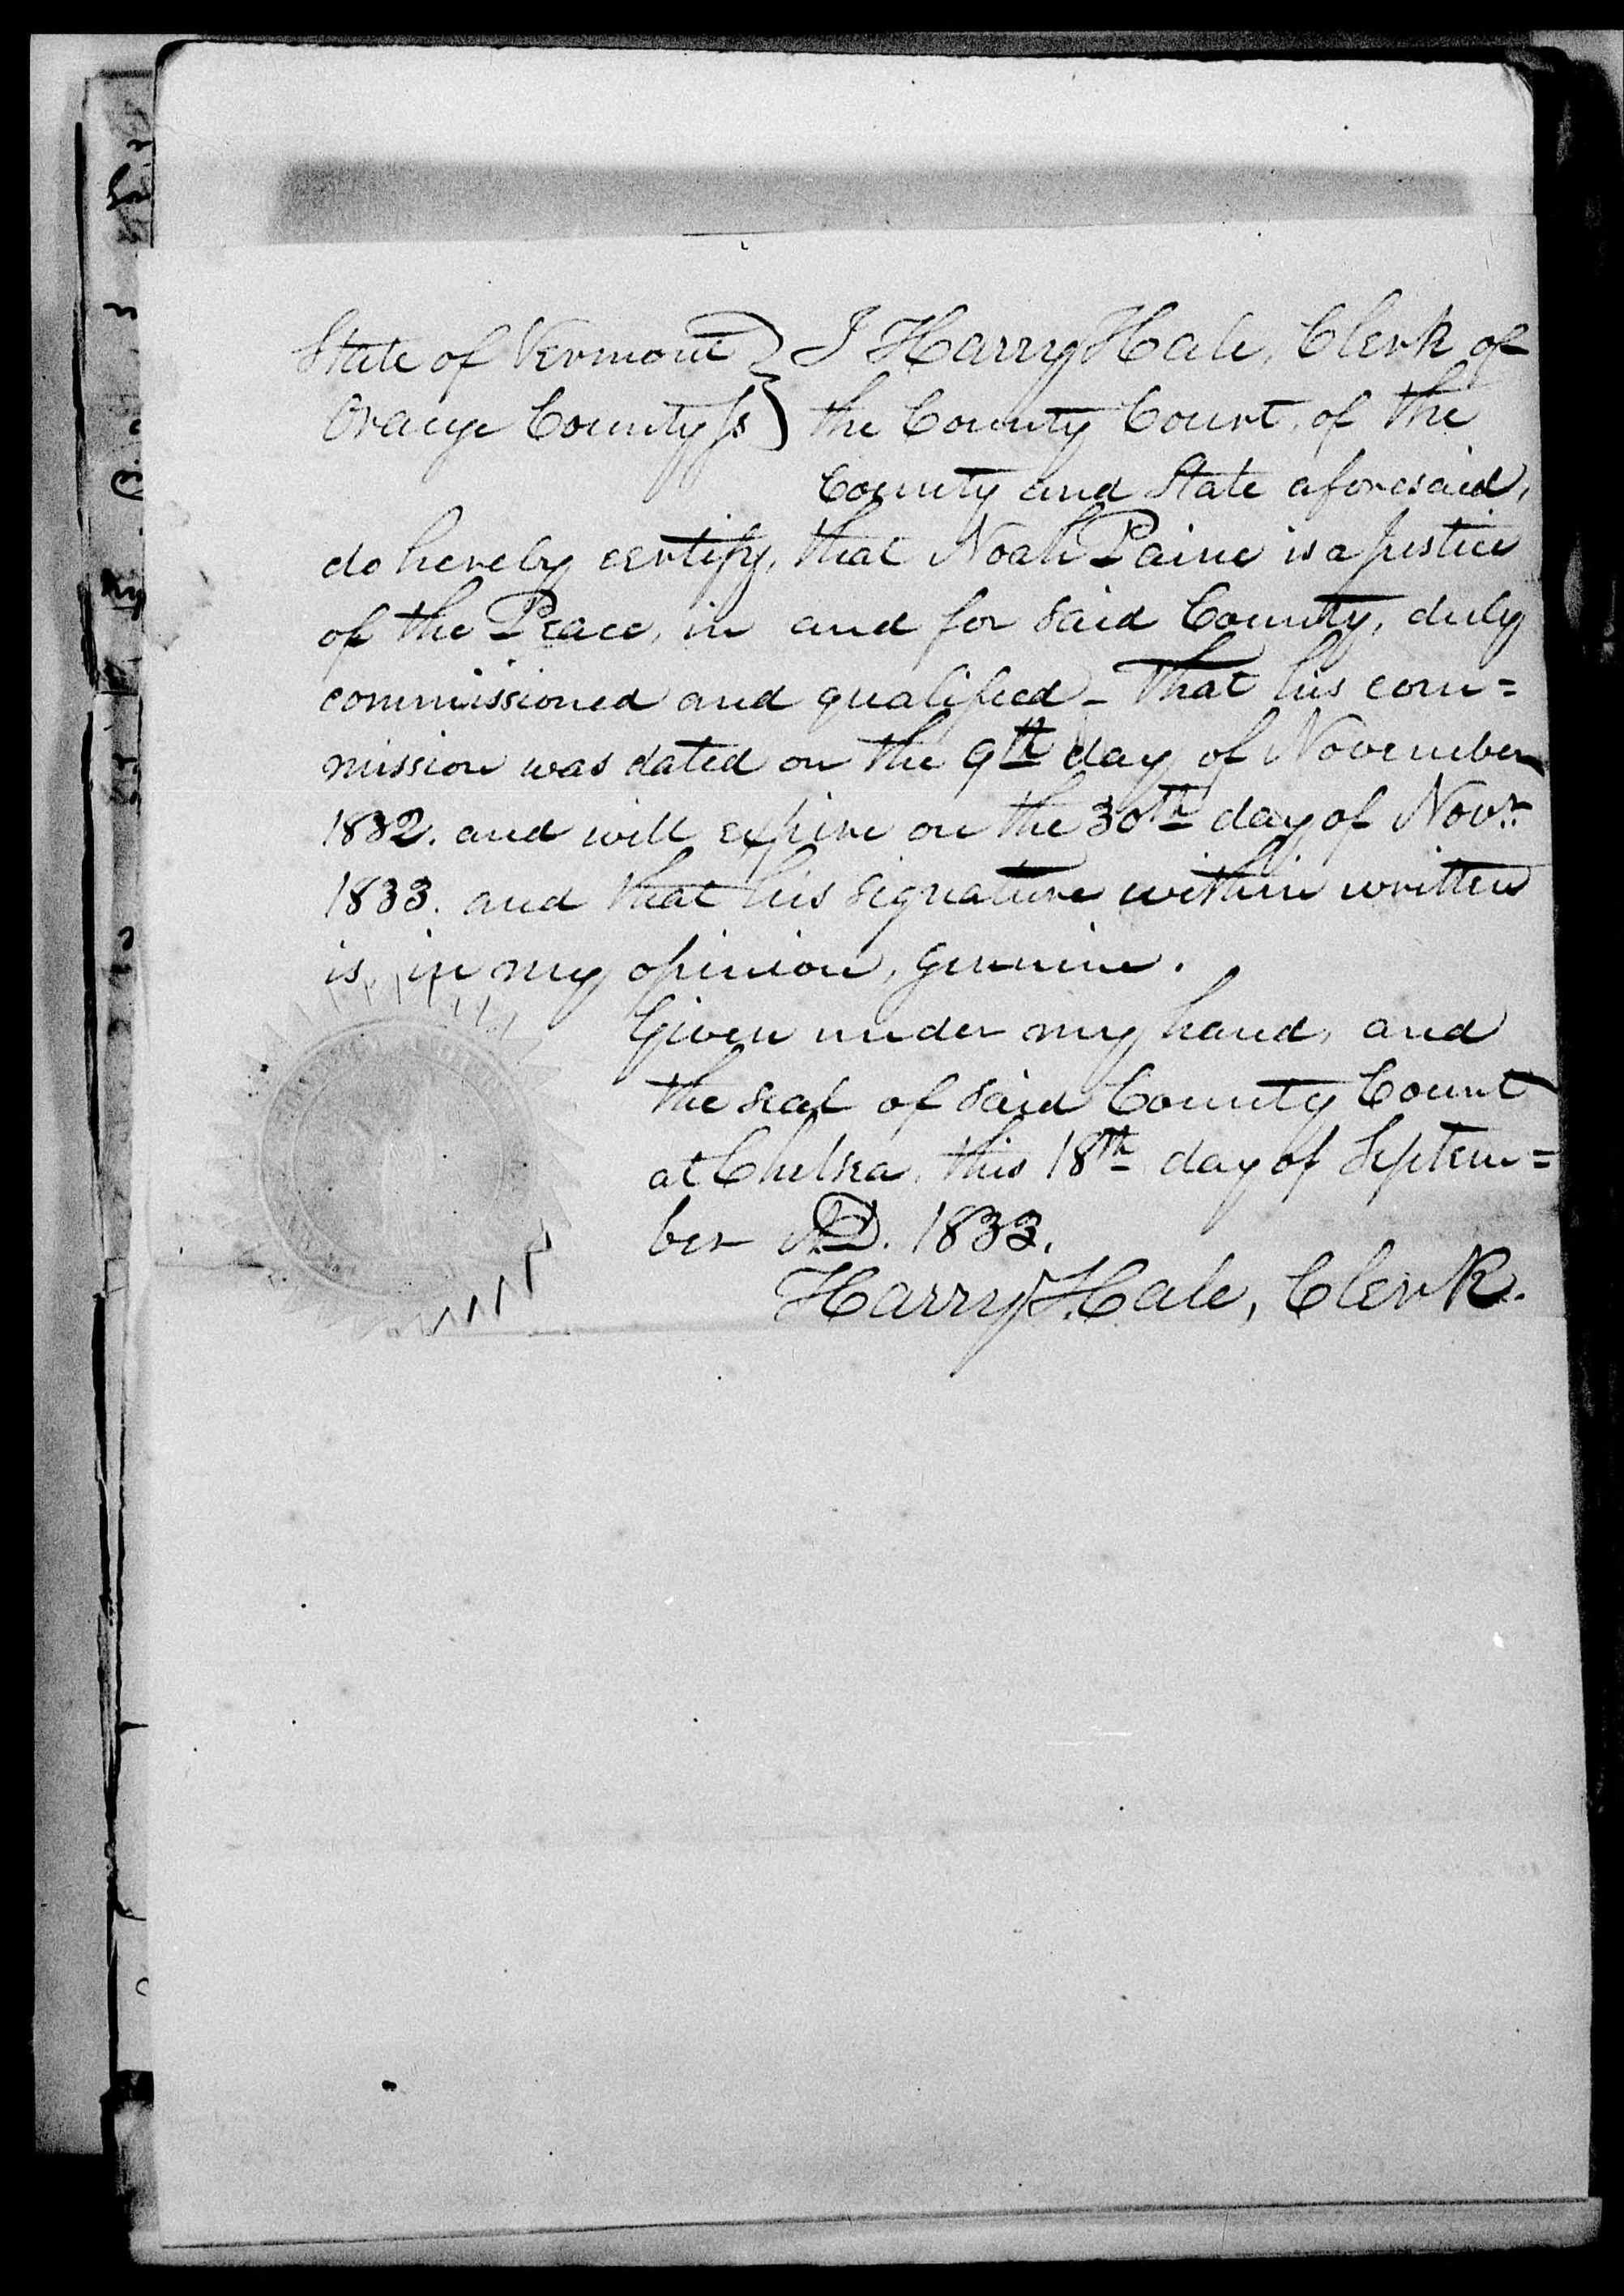State of Vermont
Orange County SS
I Harry Hale, Clerk of the County Court of the County and State aforesaid, do hereby certify that Noah Paine is a Justice of the Peace in and for said County duly commissioned and qualified. That his commission was dated on the 9th day of November 1832 and will expire on the 30th day of Nov. 1833 and that his signature within written is in my opinion genuine.
Given under my hand and the seal of said County Court at Chelsea this 18th day of September A.D. 1833
Harry Hale Clerk.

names: Harry Hale; Noah Paine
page: 15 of 21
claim: rejected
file: R. 6444, for Gamaliel Loomis, Connecticut